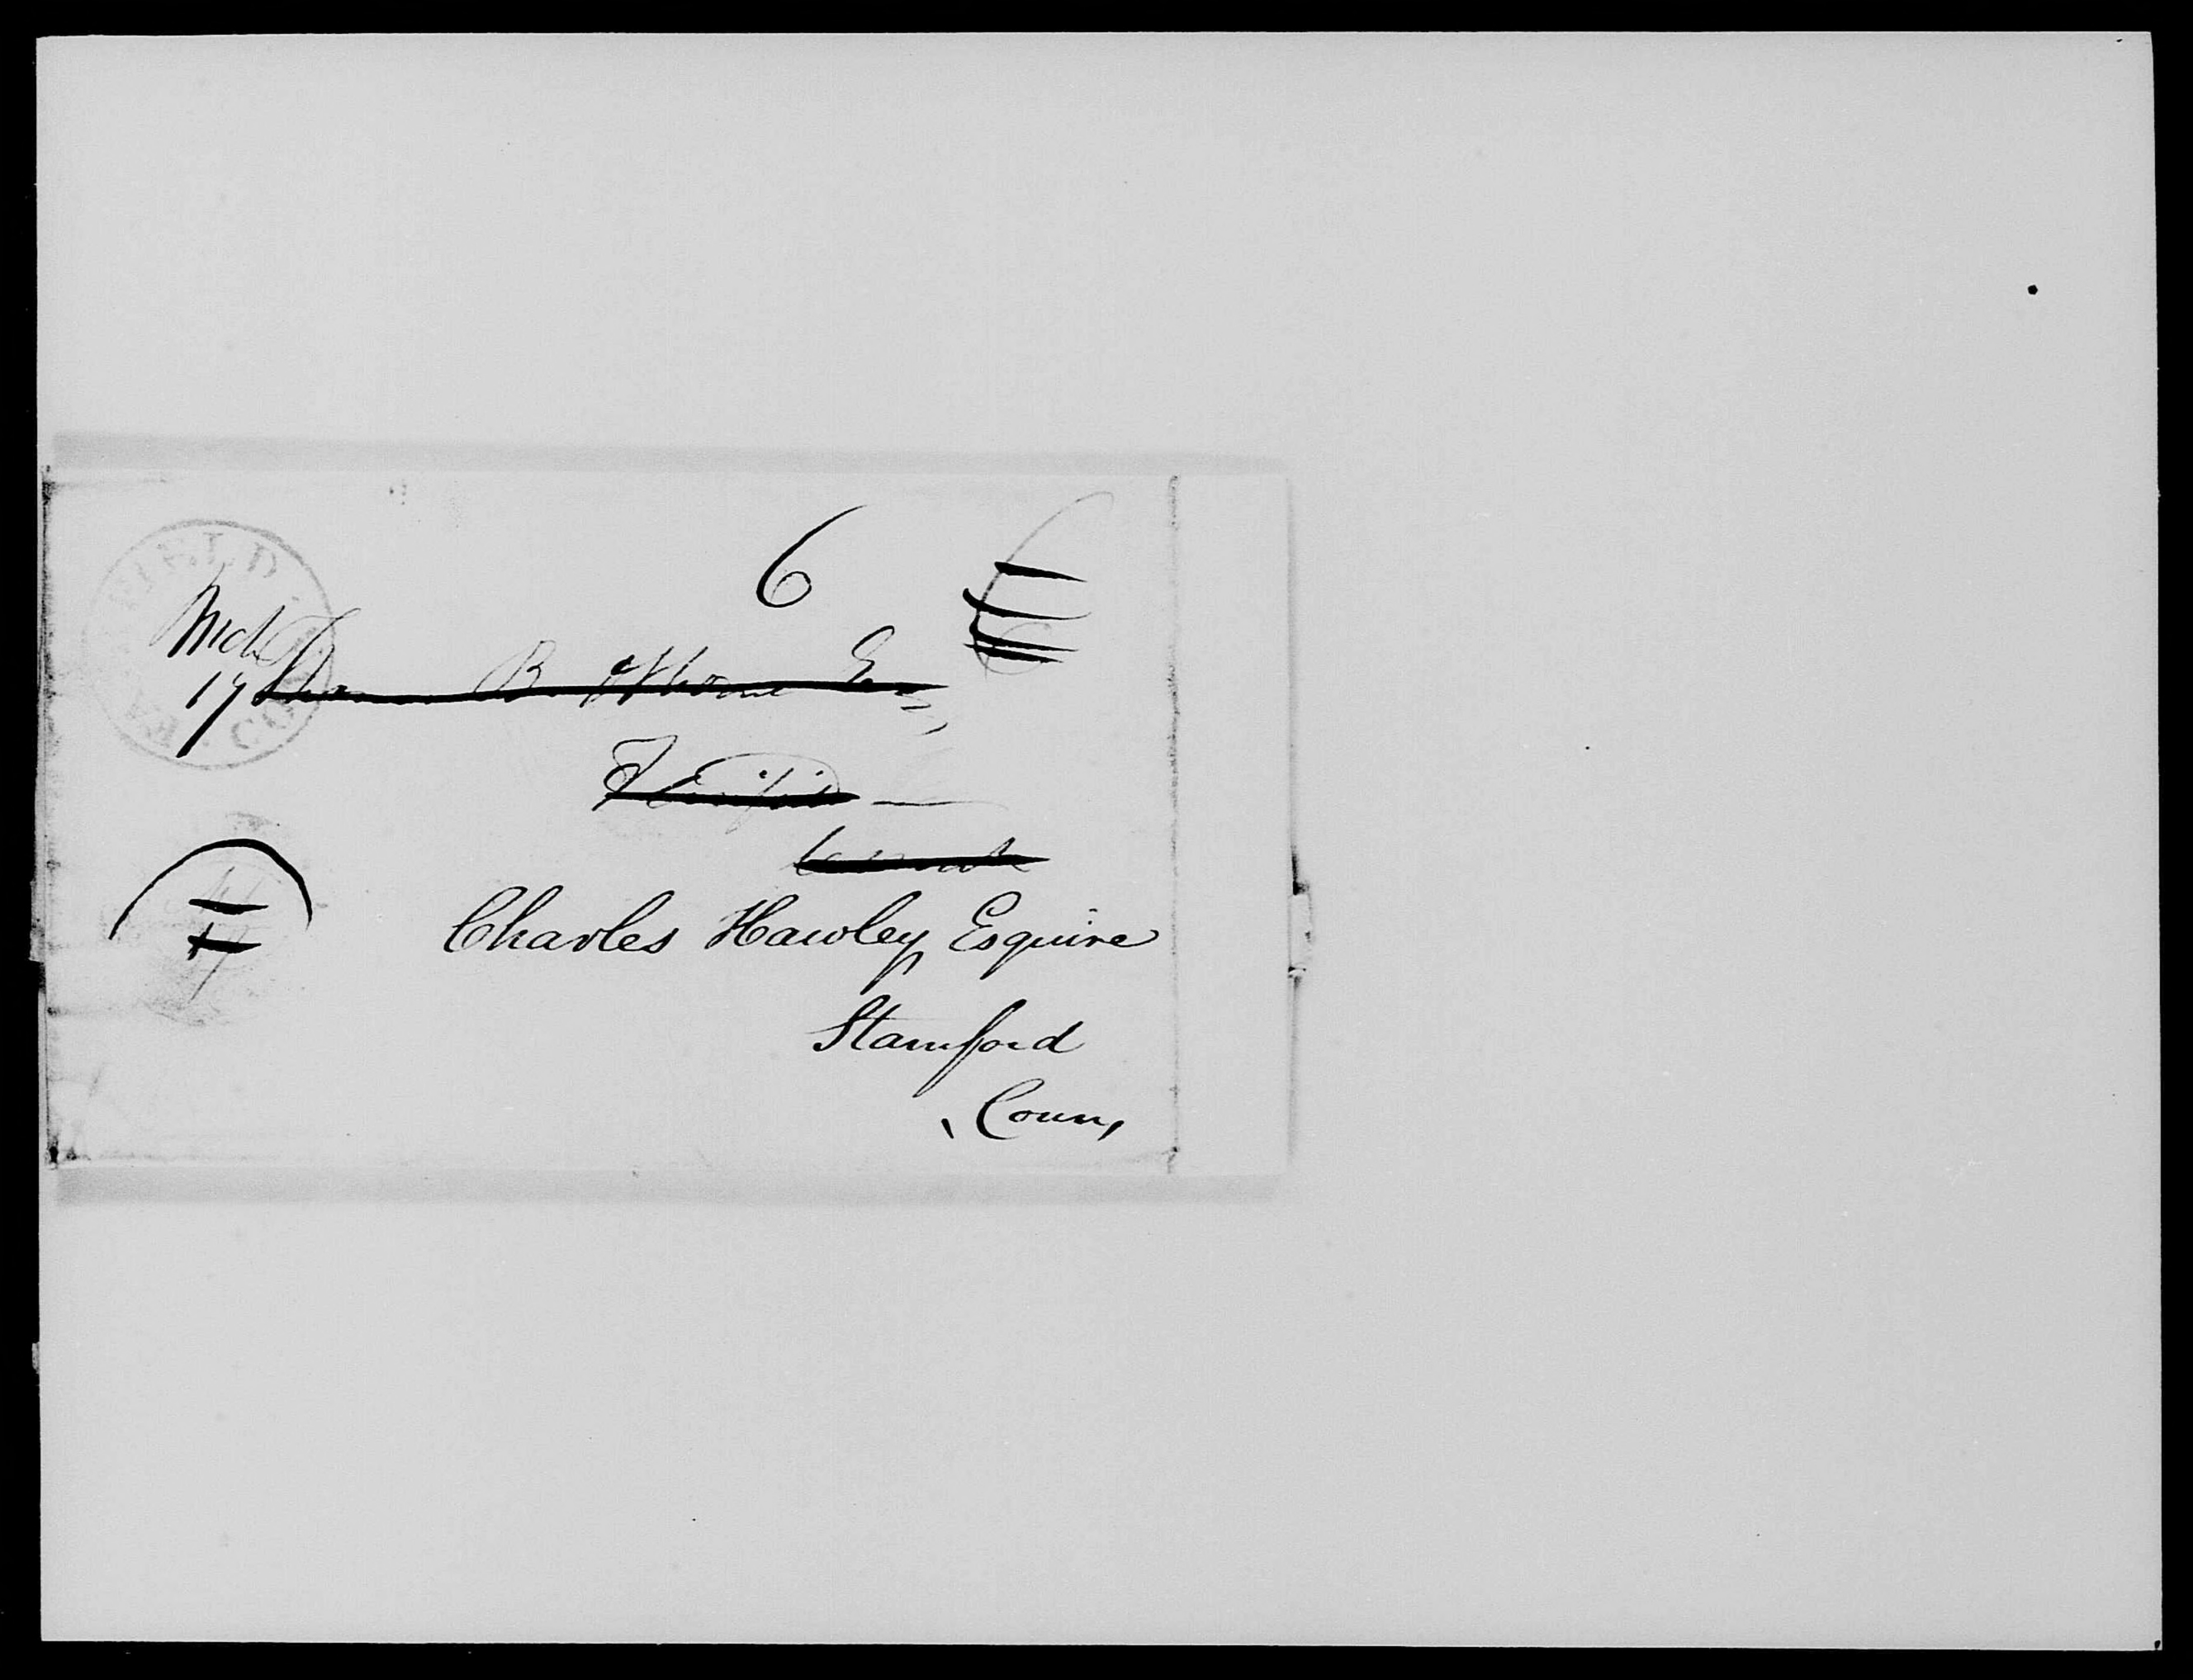6
March 17
Charles Hawley Esquire
Stamford
Conn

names: Charles Hawley; B Osborne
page: 20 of 24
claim: survivor's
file: S. 20,926, for Daniel Provost, Connecticut